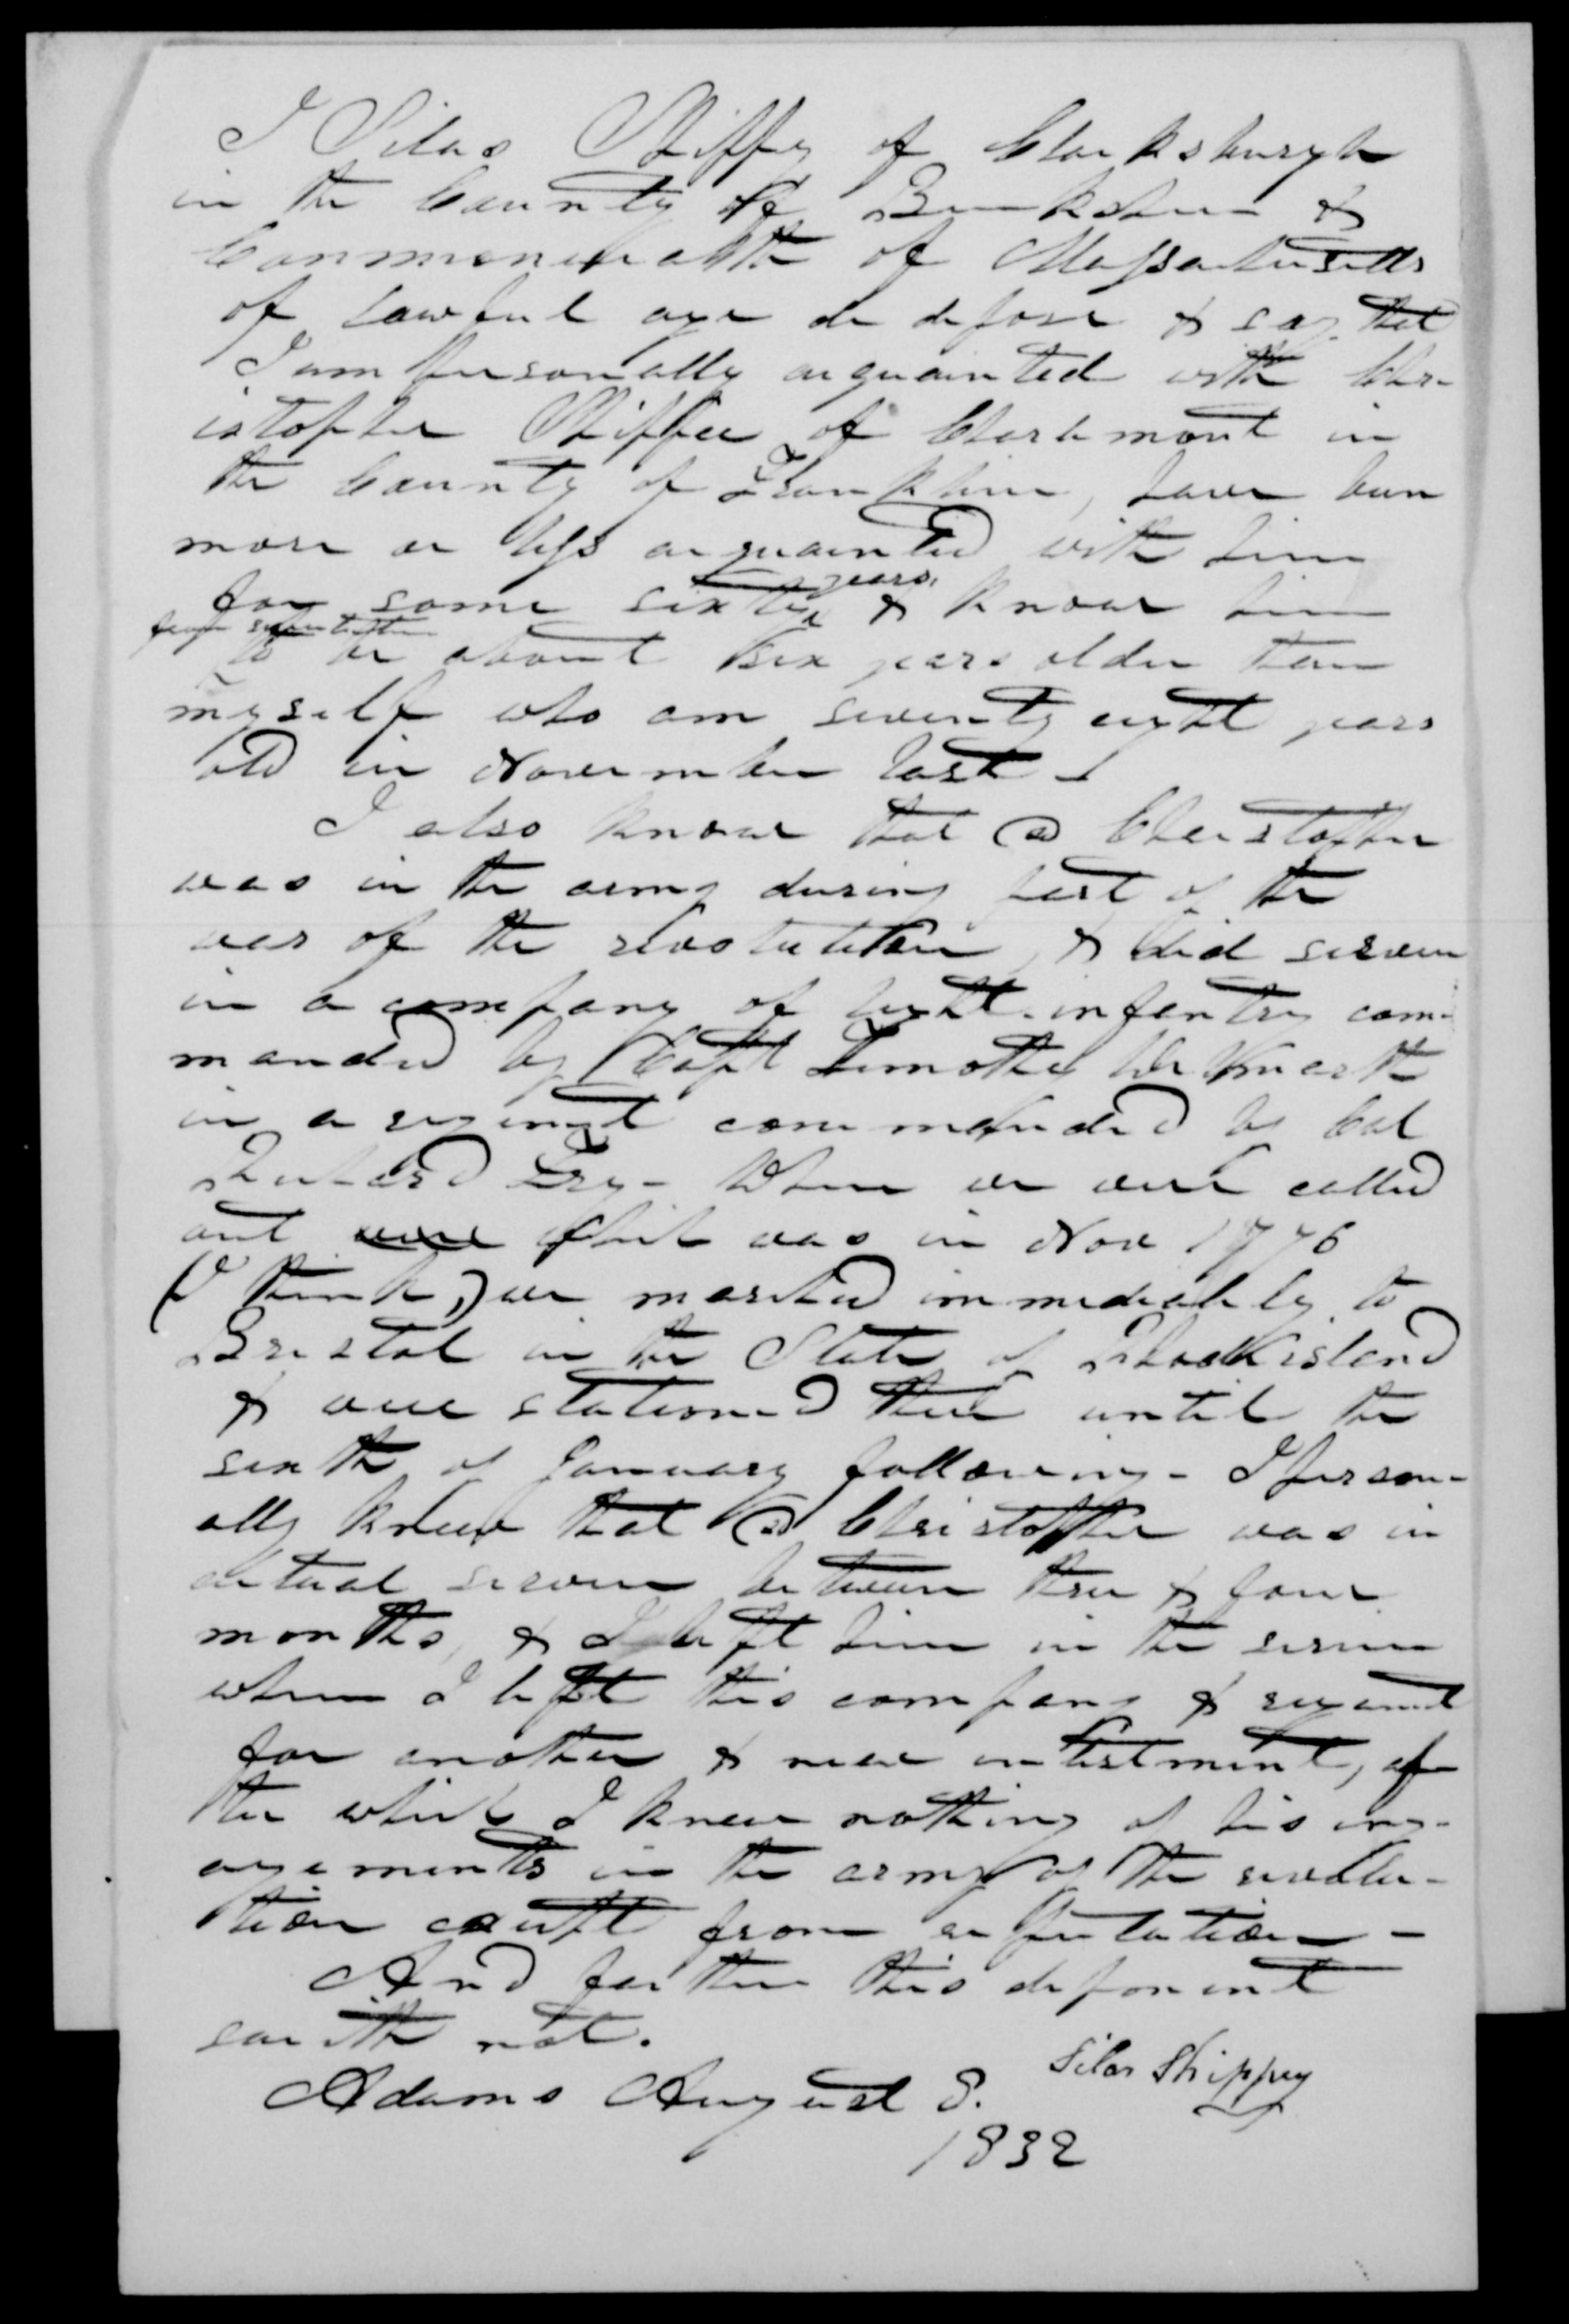I Silas Shippy of Clarksburgh in the County of Berkshire & Commonwealth of Massachusetts
of lawful age do depose & say that
I am personally acquainted with Christopher Shippee of Claremont in the County of Franlin, have been more or less acquainted with him
for some sixty years known him to 
the about six years older than myself who am seventy eight years old in November last
serve in company of light infantry commanded by Capt Timothy Wilmarth in a regiment commanded by Col Richard Fry - When [ilegible] and called out  [illegible] was in Nov 1776 (I think) we marched immediatly to
Bristol in the State of Rhode Island
due stationed there until the
sixth of January following - personally know that Christopher was in actual service in turn thru Jan months and I left him in the service when I left this company & [regard]
for another & were enlistment of
the which I knew nothing of his engagements in the army of the revolution cut from a relations
And further this deponent saith not.
Adams August S.
Silas Shippey
1832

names: Christopher Shippee; Christopher [BLANK]; Richard Fry; Silas Shippey; Timothy Wilmarth; Christopher [BLANK]; Silas Shippee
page: 15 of 20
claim: survivor's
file: S. 30,698, for Christopher Shippee, Rhode Island